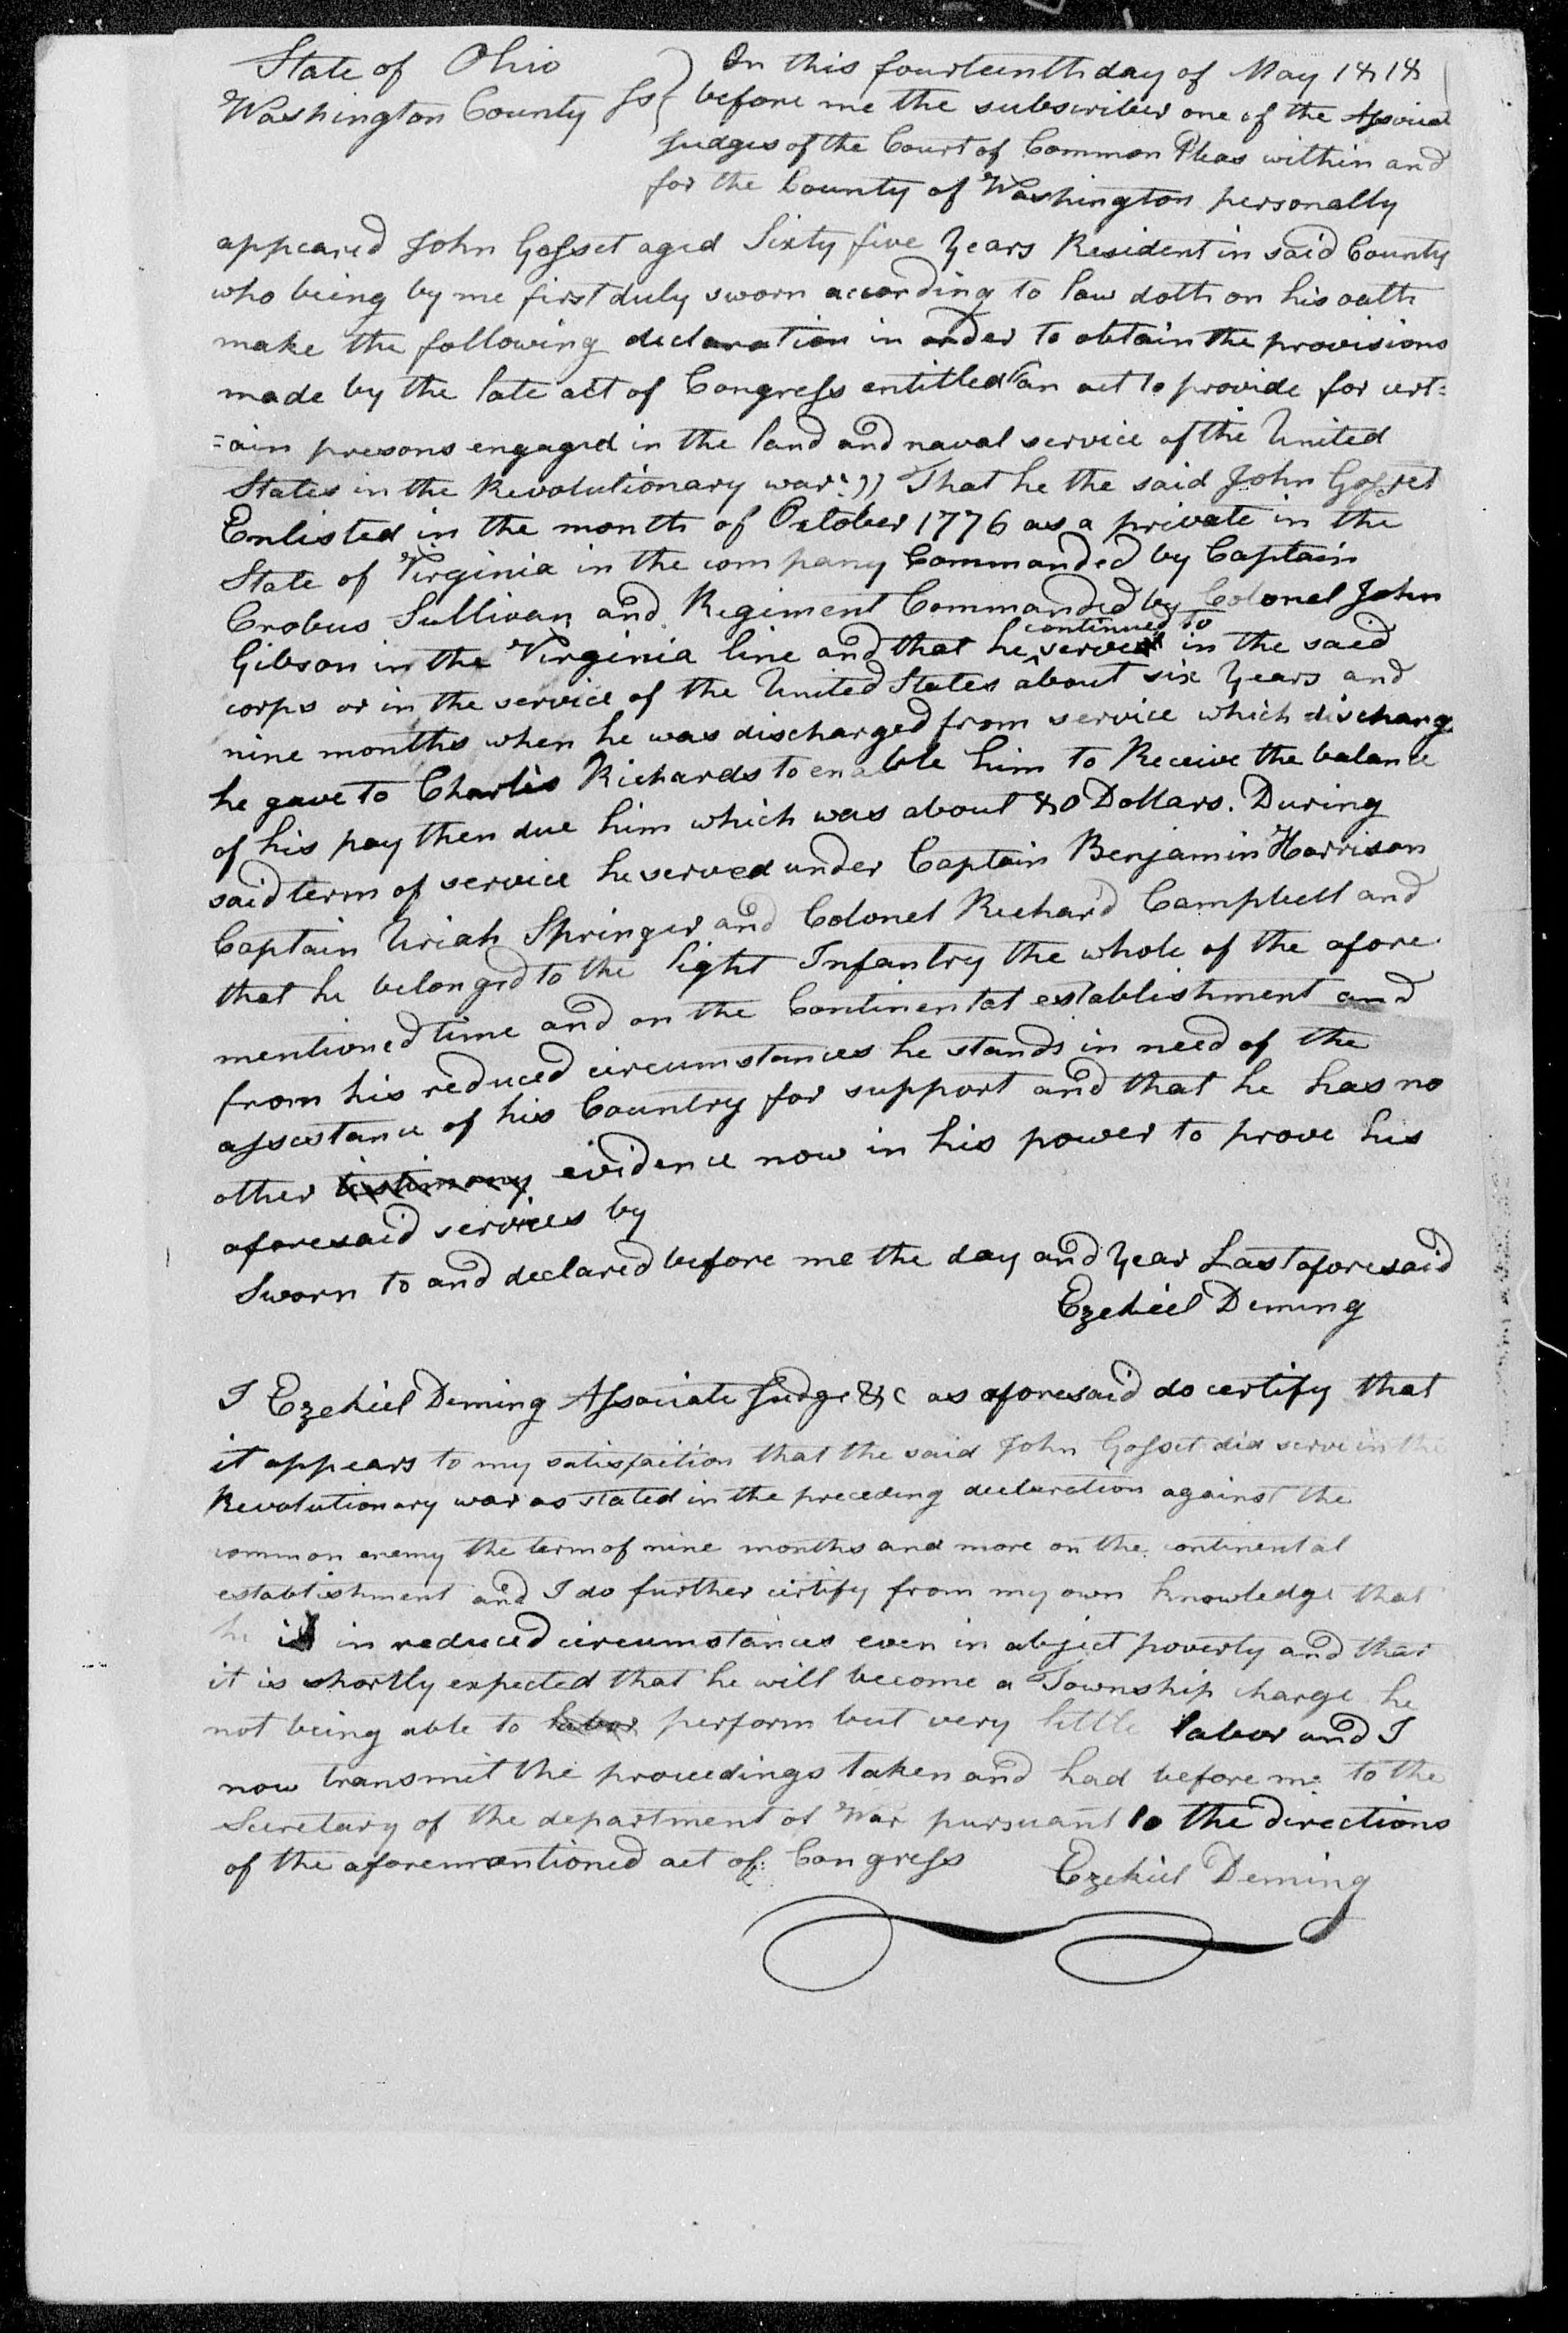State of Ohio Washington County Ss}
On this fourteenth day of May 1818 before me the subscriber one of the Associate Judges of the Court of Common Pleas within and for the County of Washington personally appeared John Gosset aged Sixty five years Resident in said County who being by me first duly sworn according to law doth on his oath make the following declaration in order to obtain the provisions made by the late act of Congress entitled "an act to provide for certain persons engaged in the land and naval service of the United States in the Revolutionary War;" That he the said John Gosset Enlisted in the month of October 1776 as a private in the State of Virginia in the company Commanded by Captain Crobus Sullivan and Regiment Commanded by Colonel John Gibson in the Virginia line and that he continued to serve in the said corps or in the service of the United States about six years and nine months when he was discharged from service which discharge he gave to Charles Richards to enable him to Receive the balance of his pay then due him which was about 80 Dollars. During said term of service he served under Captain Benjamin Harrison Captain Uriah Springer and Colonel Richard Campbell and that he belonged to the Light Infantry the whole of the aforementioned time and the Continental establishment and from his reduced circumstances he stands in need of the assistance of his Country for support and that he has no other evidence now in his power to prove his aforesaid services by.
Sworn to and declared before me the day and year Last aforesaid
Ezekiel Deming [signature]

I Ezekiel Deming Associate Judge &c as aforesaid do certify that it appears to my satisfaction that the said John Gosset did serve in the Revolutionary war as stated in the preceding declaration against the common enemy the term of nine months and more the continental establishment and I do further certify from my own knowledge that he is in reduced circumstances even in abject poverty and that it is shortly expected that he will become a Township charge he not being able to perform but very little labor and I now transmit the proceedings taken and had before me to the Secretary of the department of War pursuant to the directions of the aforementioned act of Congress
Ezekiel Deming [signature]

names: Ezekiel Deming, Crobus Sullivan, John Gosset, Richard Campbell, Benjamin Harrison, John Gosset, John Gibson, Ezekiel Deming, John Gosset, Charlis Richards, Uriah Springer, Ezekiel Deming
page: 4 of 21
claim: survivor's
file: S. 42,750, John Gosset, Va.